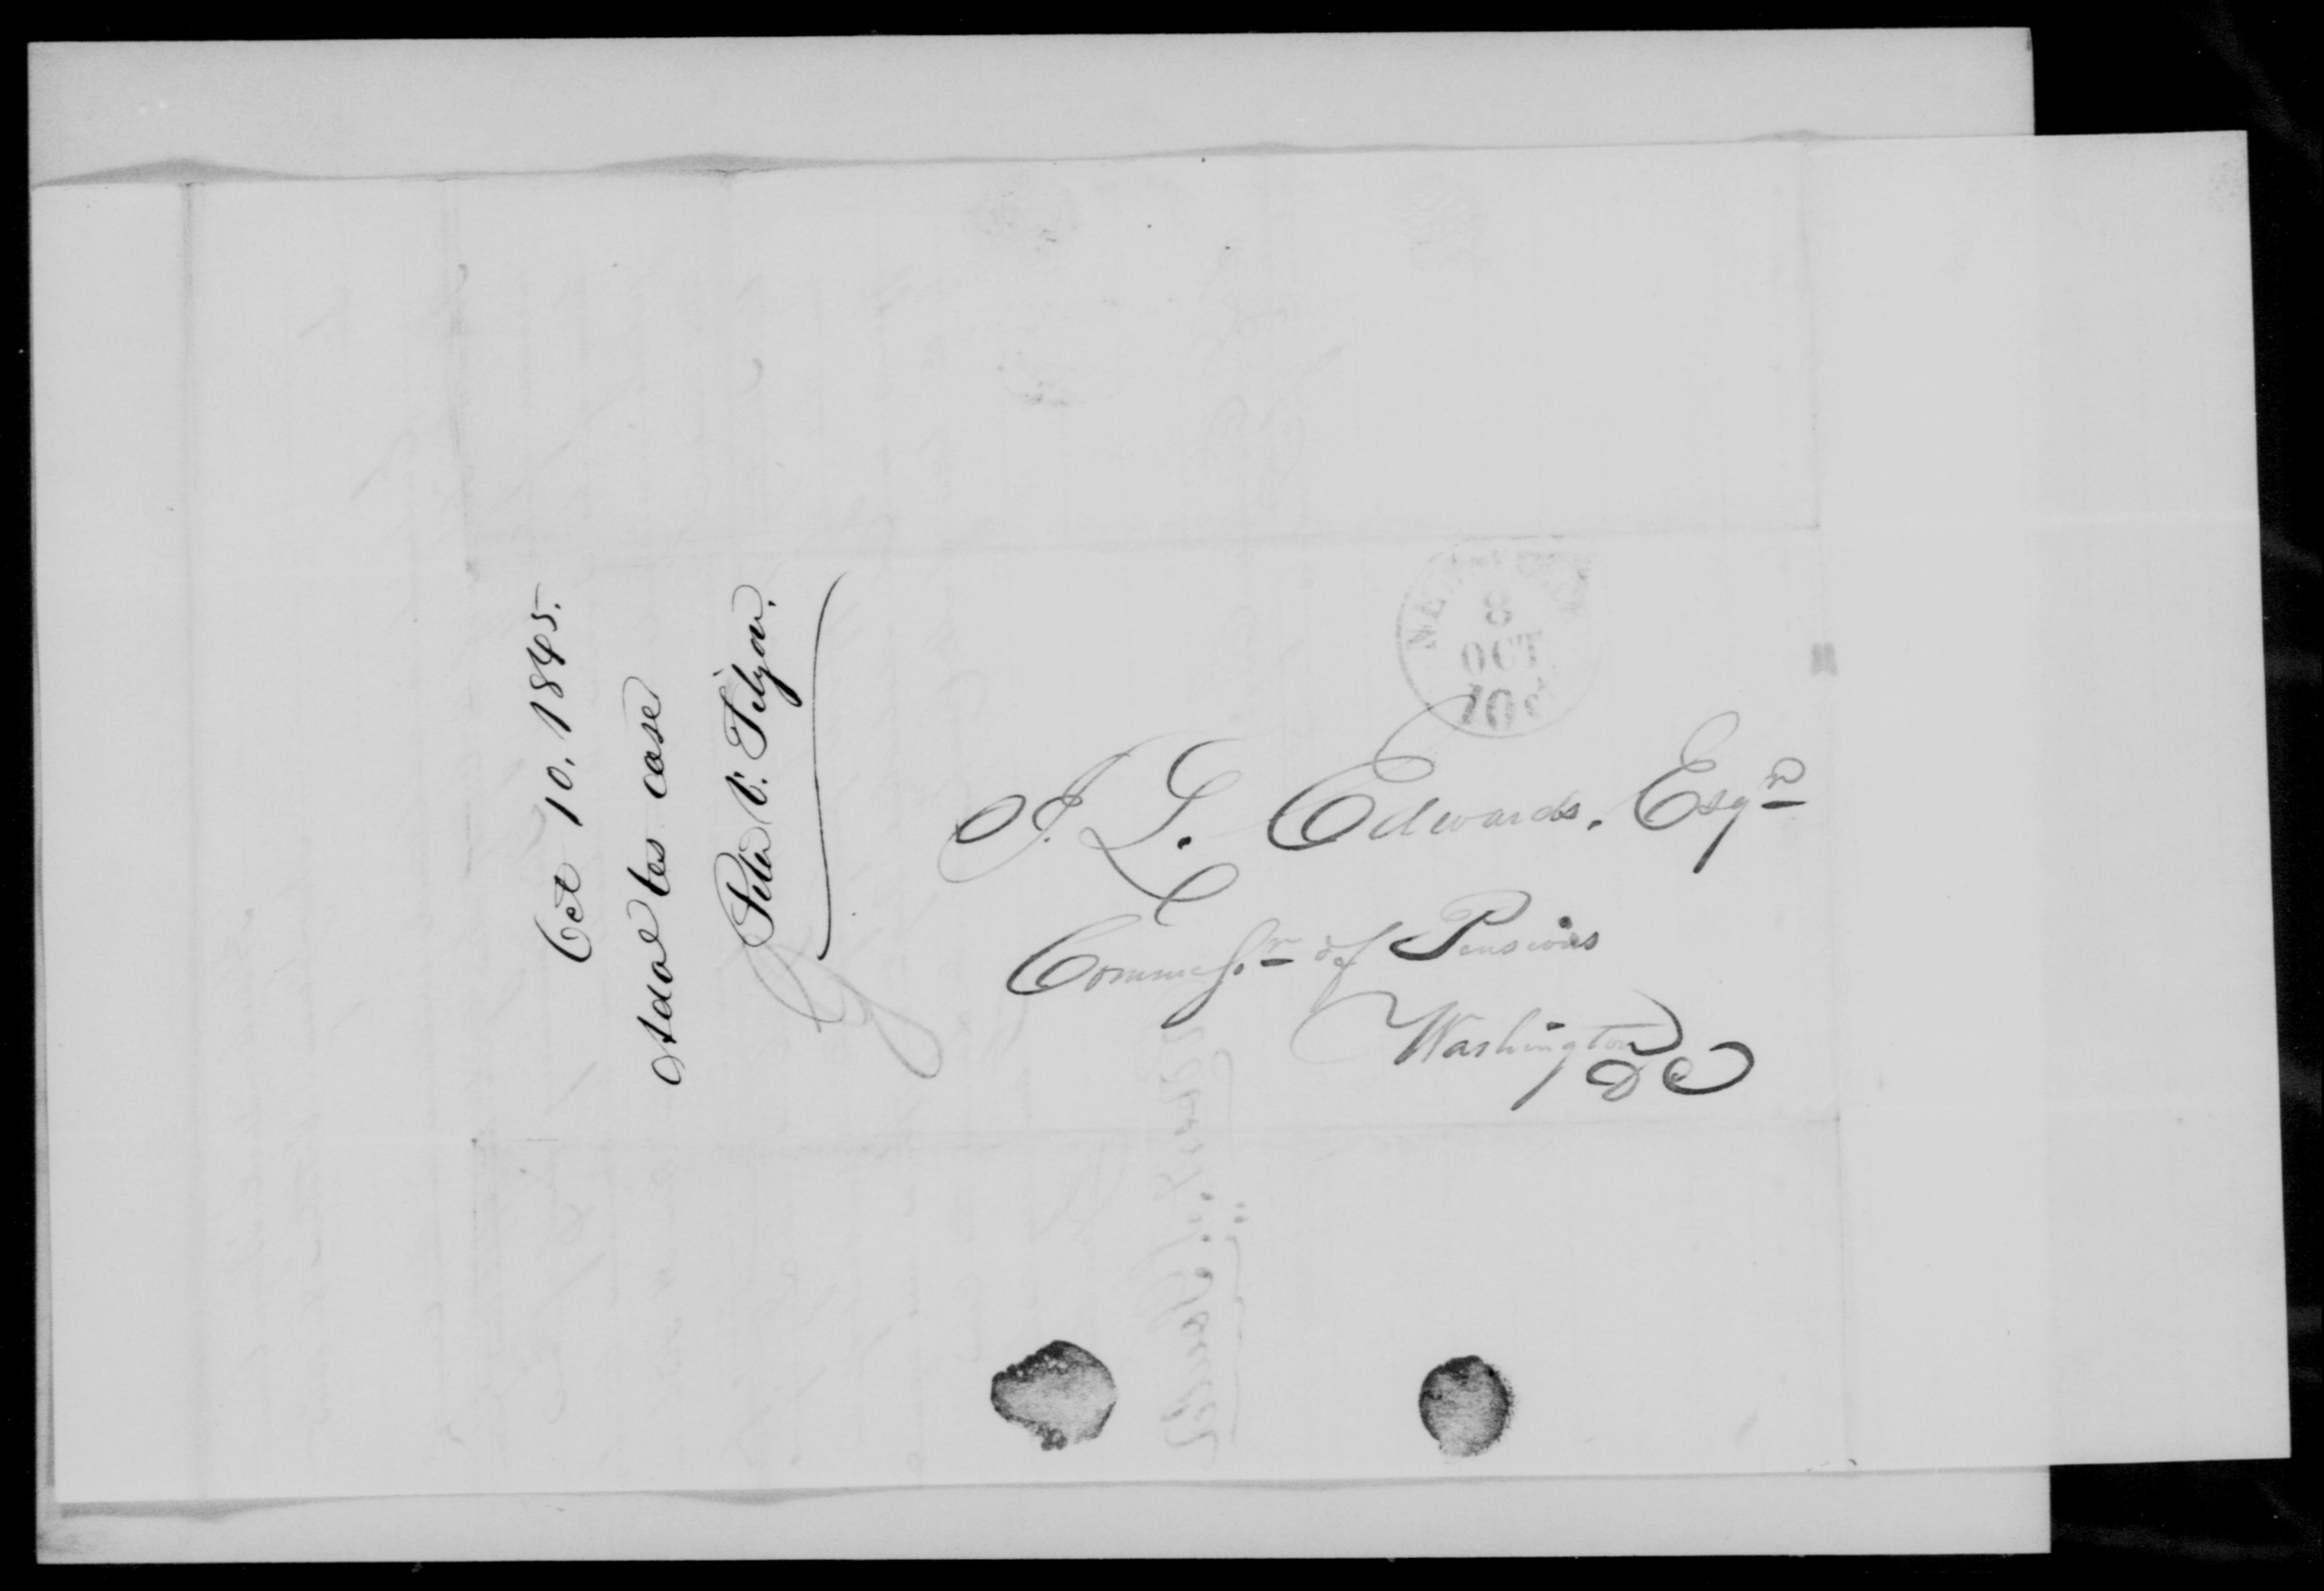J.L. Edwards Esqr
Commissr of Pensions
Washington D C

[on side] Oct 10. 1845
Adal tes case
 Peter V. Tilyou
[postal mark] NEW YORK 8 OCT  10 cts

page: 71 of 101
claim: widow's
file: W. 25481, for Peter V Tilyou, New Jersey